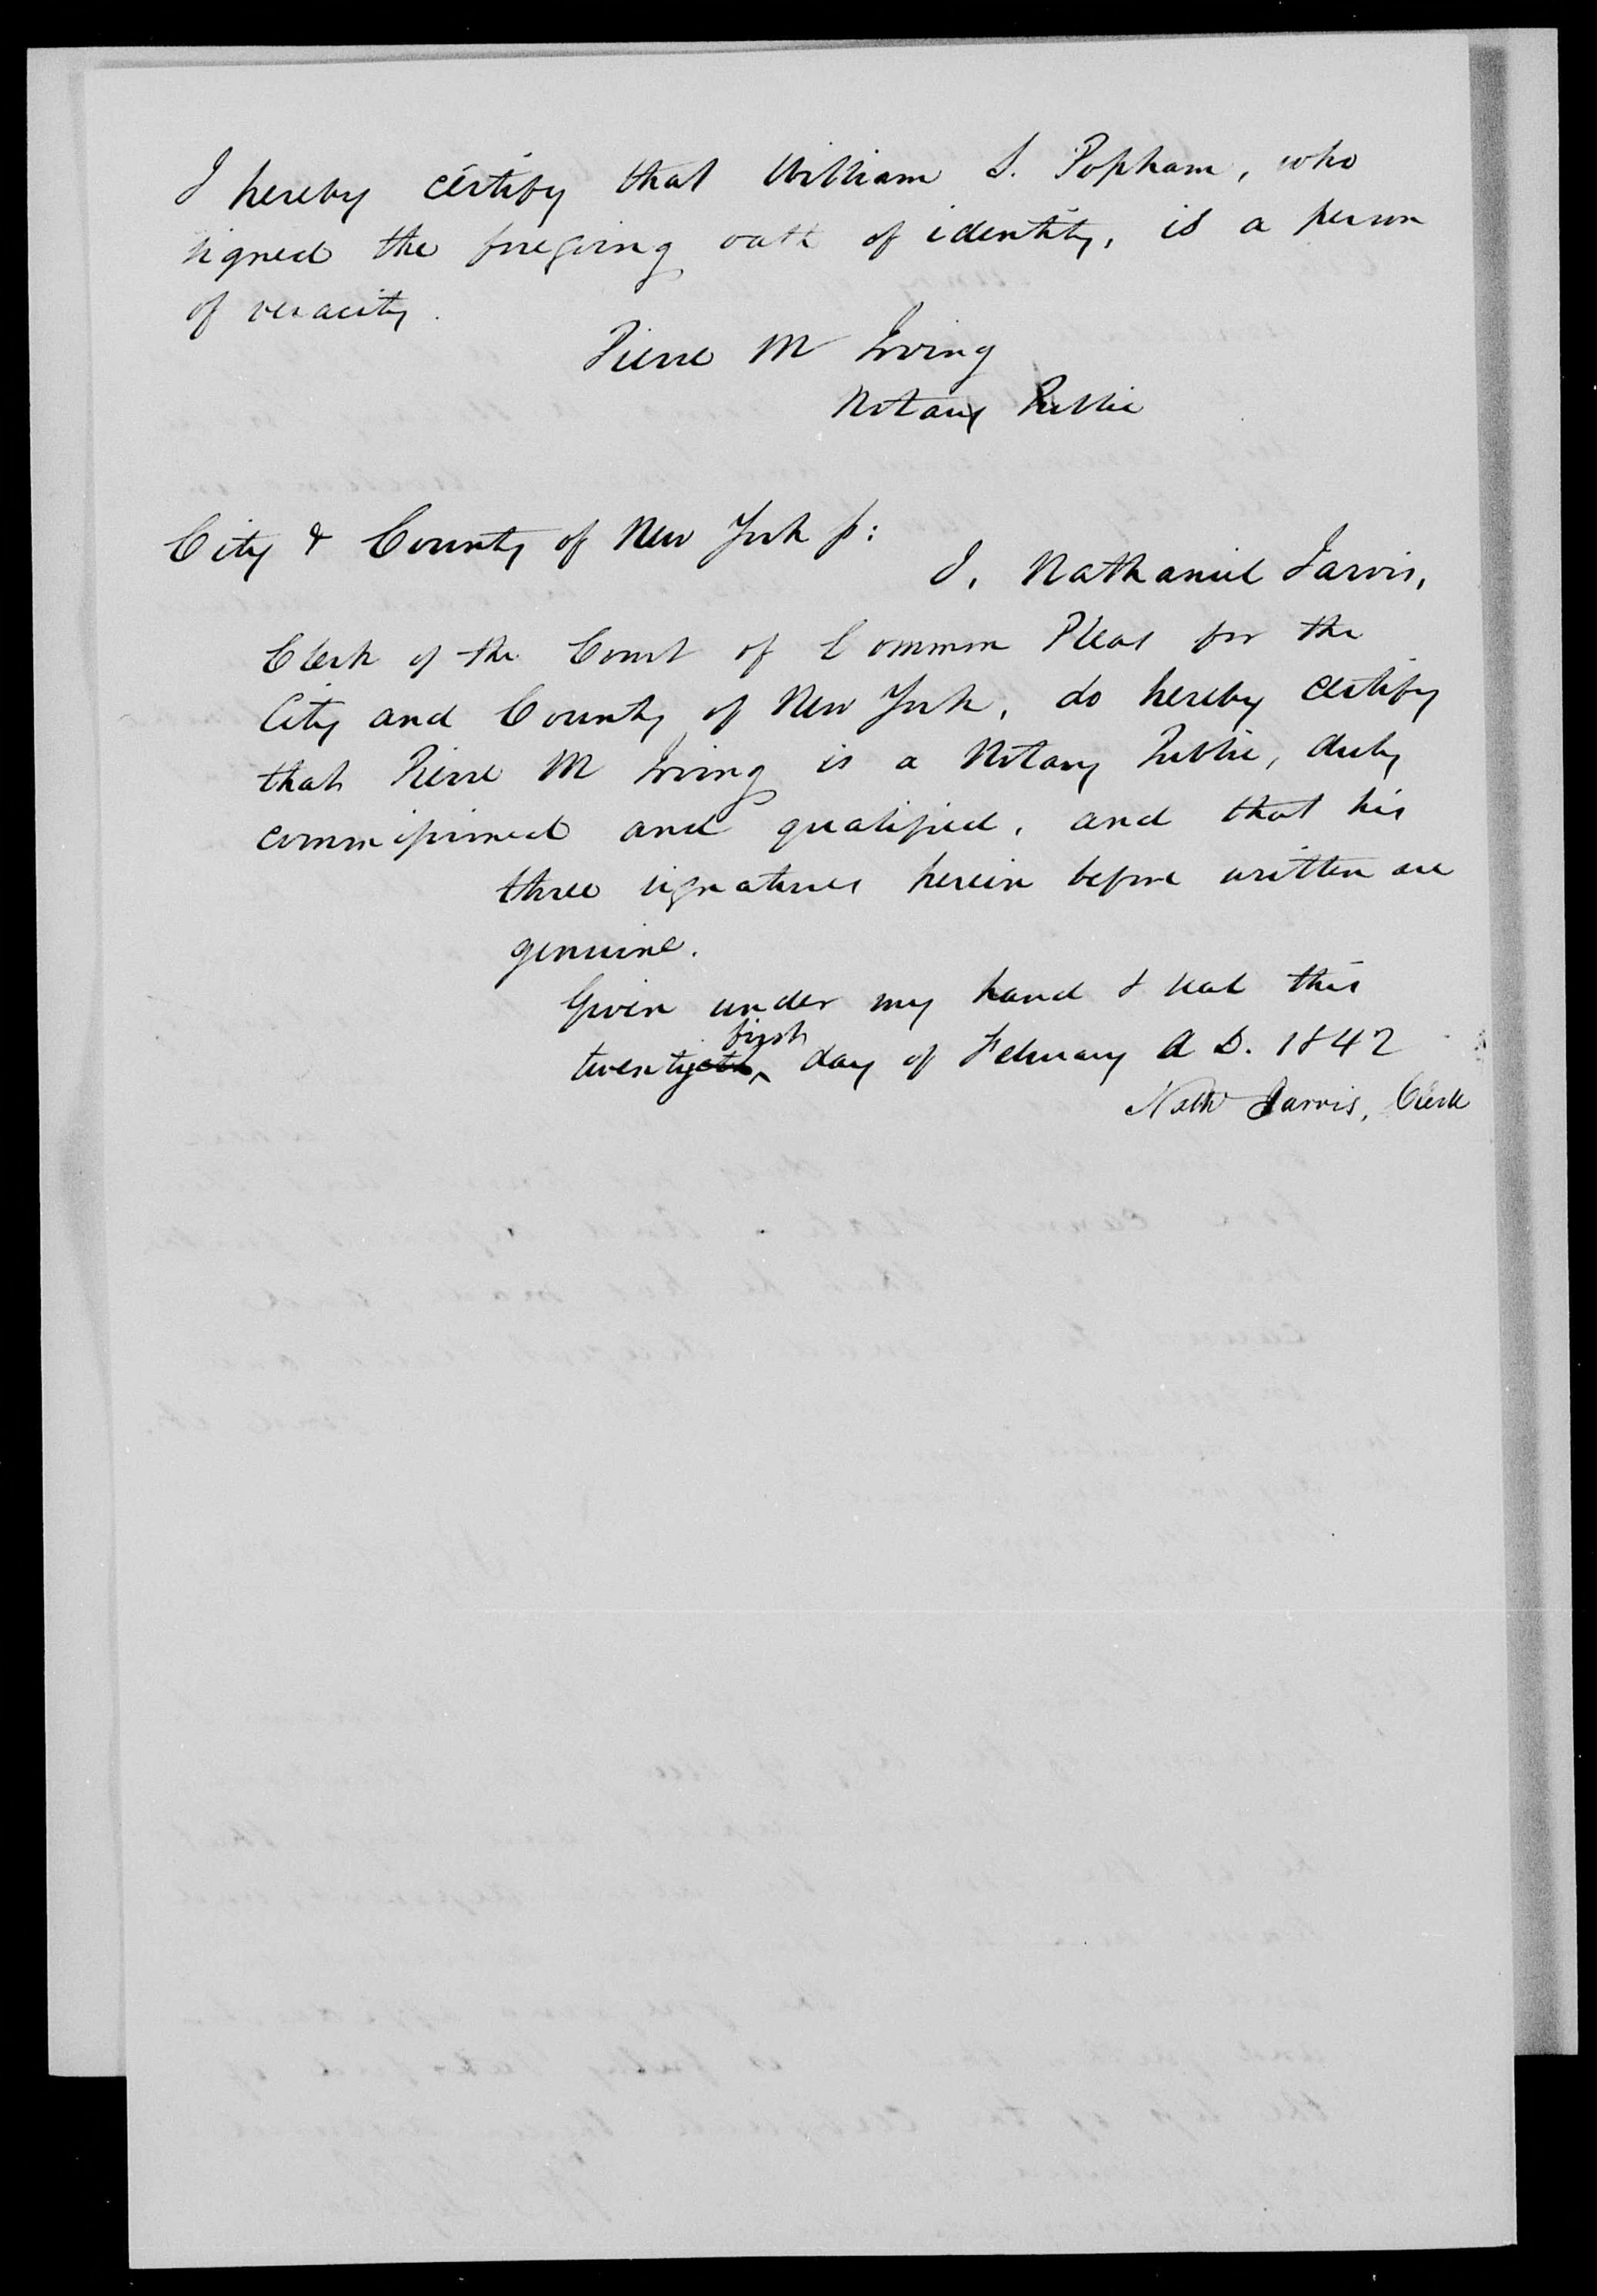I hereby certify that William S. Popham, who
signed the foregoing oath of identity, is a person
of veracity
Pierce M Irving
Notary Public

City & County of New York s:
I, Nathaniel Jarvis
Clerk of the Court of Common Pleas for the
City and County of New York,
do hereby certify
that Pierce M Irving is a Notary Public, duly
commissioned and qualified, and
that his
three signatures herein before written are
genuine.
Given under my hand & seal this
twenty ^first day of February A D. 1843
Nath Jarvis, Clerk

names: Pierce M Irving; William S Popham; Nathaniel Jarvis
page: 70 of 75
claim: survivor's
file: S. 9989, for William Popham, Delaware